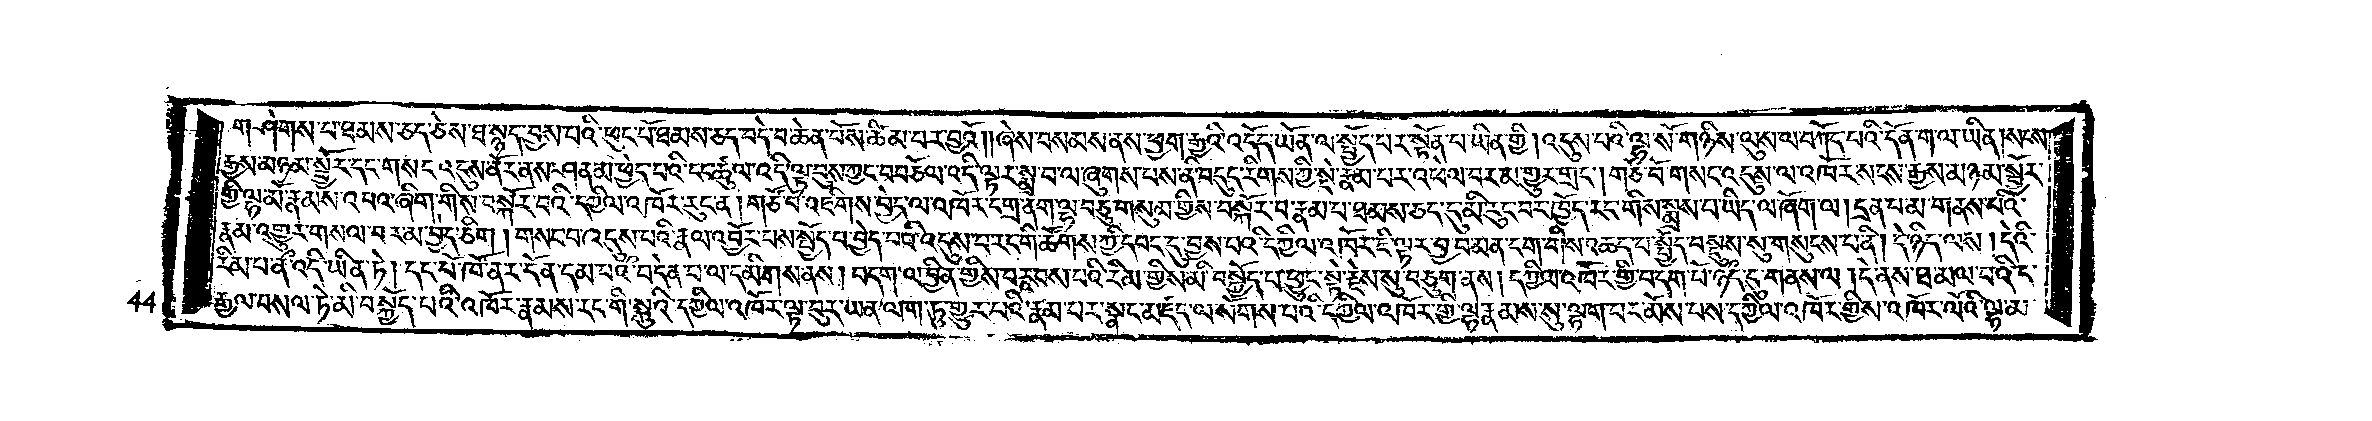གཤེགས་པ་ཐམས་ཅད་ཅེས་ཐ་སྙད་བྱས་པའི་ཕུང་པོ་ཐམས་ཅད་བདེ་བ་ཆེན་པོས་ཚིམ་པར་བྱའོ། །ཞེས་བསམས་ནས་ཕྱག་རྒྱའི་འདོད་ཡོན་ལ་སྤྱོད་པར་སྟོན་པ་ཡིན་གྱི། འདུས་པའི་ལྷ་སོ་གཉིས་ལུས་ལ་བཀོད་པའི་དོན་ག་ལ་ཡིན། སངས་
རྒྱས་མཉམ་སྦྱོར་དང་གསང་འདུས་ནོར་ནས་ཤན་མ་ཕྱེད་པའི་ངང་ཚུལ་འདི་ལྟ་བུས་ཀྱང་བབ་ཅོལ་འདི་ལྟར་སྨྲ་བ་ལ་ཞུགས་པས་ནི་བདུད་རིགས་ཀྱི་སྡེ་རྣམ་པར་འཕེལ་བར་མ་གྱུར་གྲང་། གཙོ་བོ་གསང་འདུས་ལ་འཁོར་སངས་རྒྱས་མཉམ་སྦྱོར་
གྱི་ལྷ་མོ་རྣམས་འབའ་ཞིག་གིས་བསྐོར་བའི་དཀྱིལ་འཁོར་རུང་ན། གཙོ་བོ་འཇིགས་བྱེད་ལ་འཁོར་དགྲ་ནག་ལྷ་བཅུ་གསུམ་གྱིས་བསྐོར་བ་རྣམ་པ་ཐམས་ཅད་དུ་མི་རུང་བར་ཁྱོད་རང་གིས་སྨྲས་པ་ཡིད་ལ་ཞོག་ལ། དྲན་པ་མ་གནས་པའི་
རྣམ་འགྱུར་གསལ་བར་མ་བྱེད་ཅིག། གསང་བ་འདུས་པའི་རྣལ་འབྱོར་པས་སྤྱོད་པ་བྱེད་པའི་འདུས་པ་རང་གི་ཚོགས་ཀྱི་དབང་དུ་བྱས་པའི་དཀྱིལ་འཁོར་ཇི་ལྟར་བྱ་བ་མན་ངག་གིས་འཆད་པ་སྤྱོད་བསྡུས་སུ་གསུངས་པ་ནི། དེ་ཉིད་ལས། དེའི་
རིམ་པ་ནི་འདི་ཡིན་ཏེ། དང་པོ་ཁོ་ནར་དོན་དམ་པའི་བདེན་པ་ལ་དམིགས་ནས། བདག་ལ་བྱིན་གྱིས་བརླབས་པའི་རིམ་གྱིས་མི་བསྐྱོད་པ་ཕྱུང་སྟེ་རྗེས་སུ་བཅུག་ནས། དཀྱིལ་འཁོར་གྱི་བདག་པོ་ཉིད་དུ་གནས་ལ། དེ་ནས་ཐ་མལ་པའི་ང་
རྒྱལ་བསལ་ཏེ་མི་བསྐྱོད་པའི་འཁོར་རྣམས་རང་གི་སྐུའི་དཀྱིལ་འཁོར་ལྟ་བུར་ཡན་ལག་ཏུ་གྱུར་པའི་རྣམ་པར་སྣང་མཛད་ལ་སོགས་པའི་དཀྱིལ་འཁོར་གྱི་ལྷ་རྣམས་སུ་ལྷག་པར་མོས་པས་དཀྱིལ་འཁོར་གྱིས་འཁོར་ལོའི་ལྷ་མ་